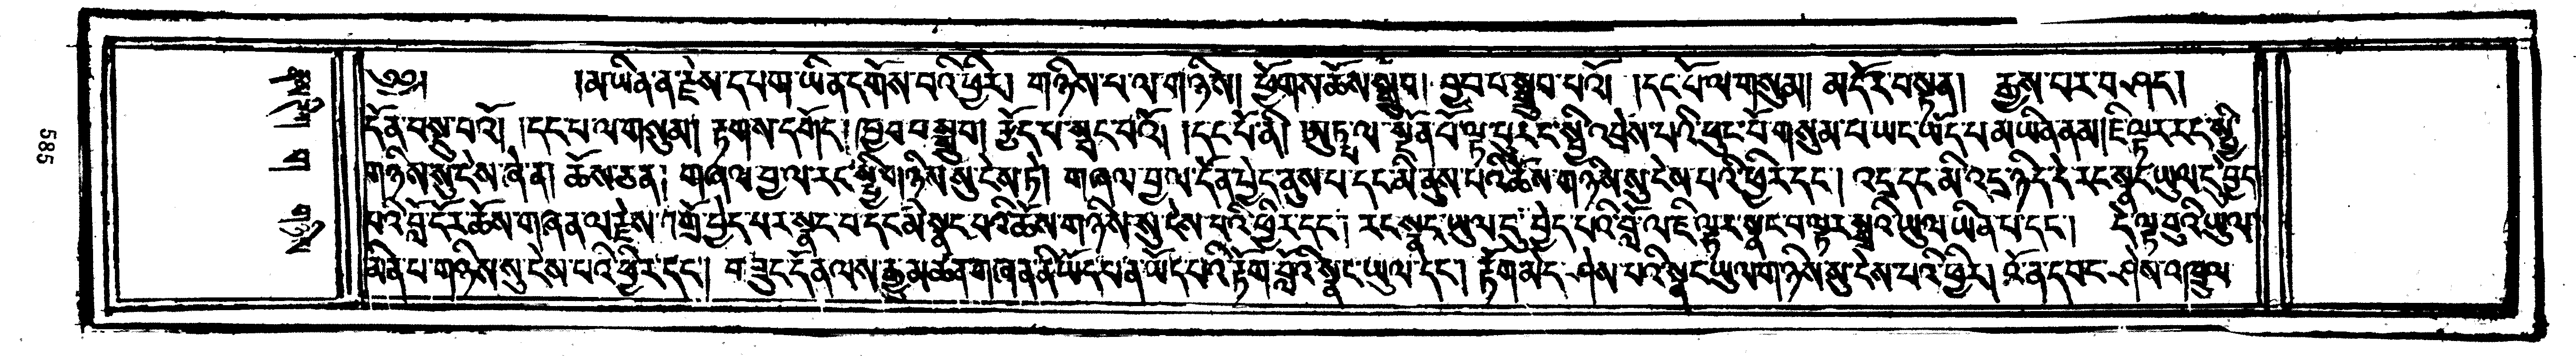༄༅། །མ་ཡིན་ན་རྗེས་དཔག་ཡིན་དགོས་པའི་ཕྱིར། གཉིས་པ་ལ་གཉིས། ཕྱོགས་ཆོས་སྒྲུབ། བྱབ་བ་སྒྲུབ་པའོ། །དང་པོ་ལ་གསུམ། མདོར་བསྟན། རྒྱས་པར་བཤད།
དོན་བསྡུ་བའོ། །དང་པ་ལ་གསུམ། རྟགས་དགོད། ཁྱབ་བ་སྒྲུབ། རྩོད་པ་སྤང་བའོ། །དང་པོ་ནི། ཨུཏྤ་ལ་སྔོན་པོ་ལྟ་བུ་རང་སྤྱི་འབྲེས་པའི་ཕུང་པོ་གསུམ་པ་ཡང་ཡོད་པ་མ་ཡིན་ནམ། ཇི་ལྟར་རང་སྤྱི་
གཉིས་སུ་ངེས་ཞེ་ན། ཆོས་ཅན། གཞལ་བྱ་ལ་རང་སྤྱི་གཉིས་སུ་ངེས་ཏེ། གཞལ་བྱ་ལ་དོན་བྱེད་ནུས་པ་དང་མི་ནུས་པའི་ཆོས་གཉིས་སུ་ངེས་པའི་ཕྱིར་དང་། འདྲ་དང་མི་འདྲ་ཉིད་དེ་རང་སྣང་ཡུལ་དུ་བྱེད་
པའི་བློ་དོར་ཆོས་གཞན་ལ་རྗེས་འགྲོ་བྱེད་པར་སྣང་པ་དང་མི་སྣང་བའི་ཆོས་གཉིས་སུ་ངེས་པའི་ཕྱིར་དང་། རང་སྣང་ཡུལ་དུ་བྱེད་པའི་བློ་ལ་ཇི་ལྟར་སྣང་བ་ལྟར་སྒྲའི་ཡུལ་ཡིན་པ་དང་། དེ་ལྟ་བུའི་ཡུལ་
མིན་པ་གཉིས་སུ་ངེས་པའི་ཕྱིར་དང་། གཟུང་དོན་ལས་རྒྱུ་མཚན་གཞན་ནི་ཡོད་པ་ན་ཡོད་པའི་རྟོག་བློའི་སྣང་ཡུལ་དང་། རྟོག་མེད་ཤེས་པའི་སྣང་ཡུལ་གཉིས་སུ་ངེས་པའི་ཕྱིར། འོ་ན་དབང་ཤེས་འཁྲུལ་